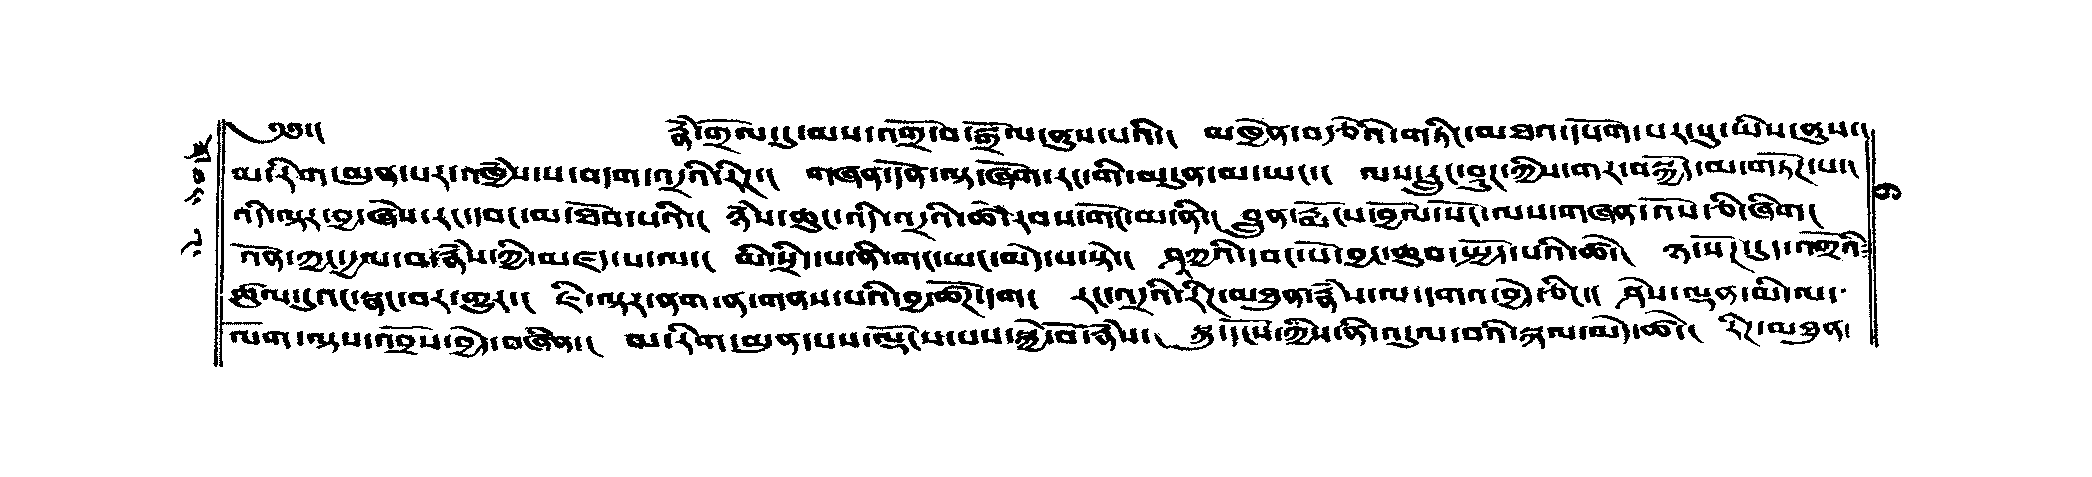།རྣམ་གྲོལ་དུ་མས་འགྲོ་བ་སྒྲོལ་ནུས་པའི། །མཁྱེན་བརྩེའི་གཏིང་མཐའ་དཔོག་པར་སུ་ཡིས་ནུས། །
མ་རིག་མུན་པར་འཁྱམས་པ་བདག་འདྲའི་རིགས། །གཞན་དོན་ལྟ་ཞོག་རང་གི་མདུན་མ་ཡང་། །ལས་རླུང་ཤུགས་ཀྱིས་གར་བསྐྱོད་མ་གཏོགས་པ། །
འདི་ལྟར་བྱ་ཞེས་རང་དབང་མ་ཐོབ་པའི། །ཉམས་ཆུང་འདི་འདྲའི་ཚེ་རབས་གོང་མ་ནི། །བླུན་རྨོངས་བྱོལ་སོང་ལས་གཞན་འོས་ཅི་ཞིག
འོན་ཀྱང་རྒྱལ་བ་རྣམས་ཀྱི་མཛད་པ་ལ། །མི་སྲིད་པ་ནི་གང་ཡང་མེད་པ་སྟེ། །ཤཱཀྱའི་དབང་པོ་བྱང་ཆུབ་སྤྱོད་པའི་ཚེ། །ཉ་སོགས་དུད་འགྲོའི་
ཚུལ་དུའང་སྣང་བར་འགྱུར། །ཇི་ལྟར་ནགས་ན་གནས་པའི་བྱ་ཚོགས་དག རང་འདྲའི་རིགས་མཐུན་རྣམས་ལ་དགའ་བྱེད་ཅིང་། །ཤེས་ལྡན་མི་ལ་
ལོག་ལྟས་འབྲོས་བྱེད་བཞིན། །མ་རིག་མུན་པས་ལྡོངས་པའི་སྐྱེ་བོ་རྣམས། །སྐུ་དངོས་ཀྱིས་ནི་འདུལ་བའི་སྐལ་མེད་ཚེ། །རིགས་མཐུན་